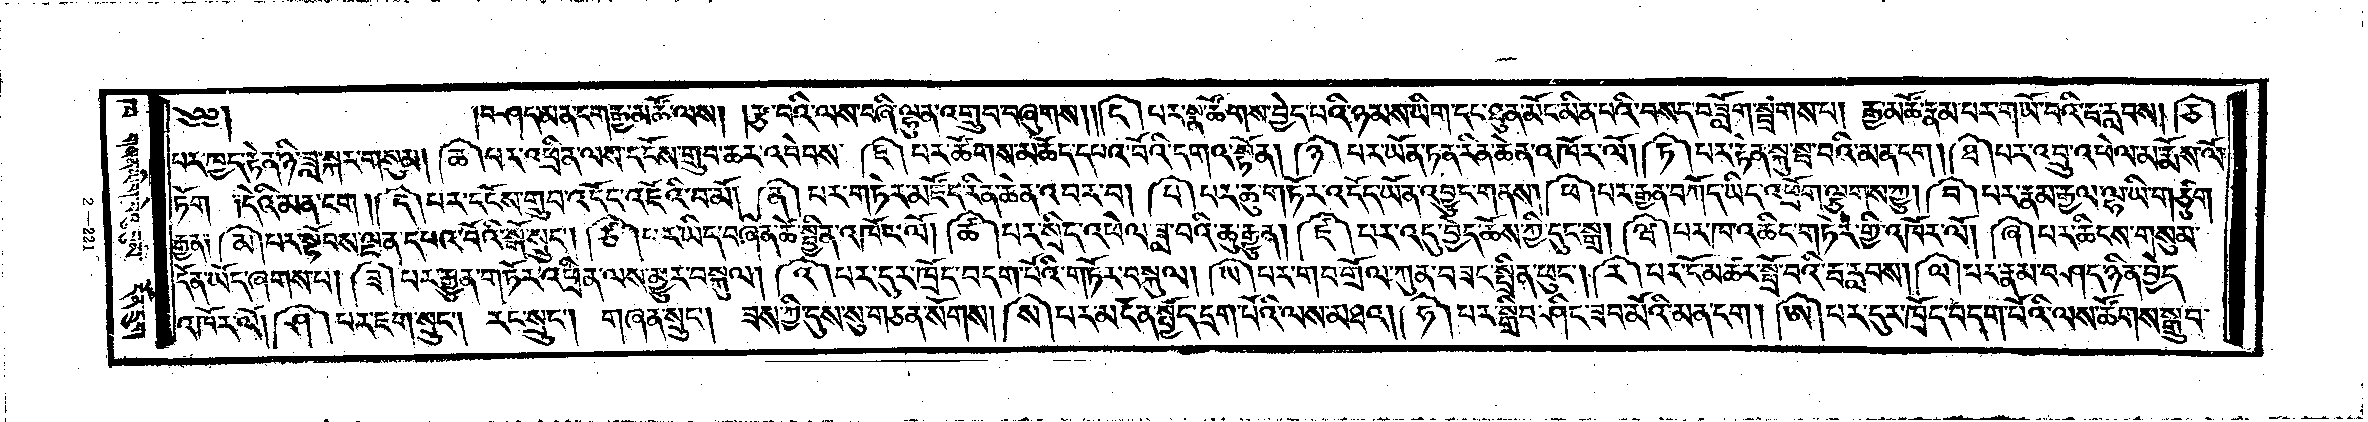༄༅། །བཤད་མན་ངག་རྒྱ་མཚོ་ལས། །རྩ་བའི་ལས་བཞི་ལྷུན་འགྲུབ་བཞུགས། །༼ང༽ པར་སྣ་ཚོགས་བྱེད་པའི་ཉམས་ཡིག་དང་ཐུན་མོང་མིན་པའི་བསད་བཟློག་སྦྲགས་པ། རྒྱ་མཚོ་རྣམ་པར་གཡོ་བའི་རྦ་རླབས། ༼ཅ༽
པར་ཁྱད་རྟེན་ཉི་ཟླ་སྐར་གསུམ། ༼ཆ༽ པར་འཕྲིན་ལས་དངོས་གྲུབ་ཆར་འབེབས ༼ཇ༽ པར་ཚོགས་མཆོད་དཔའ་བོའི་དགའ་སྟོན། ༼ཉ༽ པར་ཡོན་ཏན་རིན་ཆེན་འཁོར་ལོ། ༼ཏ༽ པར་རྟེན་སྐུ་སྦ་བའི་མན་ངག། ༼ཐ༽ པར་འབྲུ་འཕེལ་མ་རྨོས་ལོ་
ཏོག ༑དེའི་མན་ངག། ༼ད༽ པར་དངོས་གྲུབ་འདོད་འཇོའི་བ་མོ། ༼ན༽ པར་གཏེར་མཛོད་རིན་ཆེན་འབར་བ། ༼པ༽ པར་ཆུ་གཏོར་འདོད་ཡོན་འབྱུང་གནས། ༼ཕ༽ པར་རྒྱན་བཀོད་ཡིད་འཕྲོག་ལྕགས་ཀྱུ། ༼བ༽ པར་རྣམ་རྒྱལ་ལྷ་ཡི་གཅུག་
རྒྱན༑ ༼མ༽ པར་སྟོབས་ལྡན་དཔའ་བོའི་སྒོ་སྲུང་། ༼ཙ༽ བར་ཡིད་བཞིན་ཚེ་སྦྱིན་འཁོར་ལོ། ༼ཚ༽ པར་སྲིད་འཕེལ་ཟླ་བའི་ཆུ་རྒྱུན། ༼ཛ༽ པར་འདུ་བྱེད་ཆོས་ཀྱི་དུང་སྒྲ། ༼ཝ༽ པར་ཁ་འཆིང་གཏེར་གྱི་འཁོར་ལོ། ༼ཞ༽ པར་ཆིངས་གསུམ་
དོན་ཡོད་ཞགས་པ། ༼ཟ༽ པར་རྒྱུན་གཏོར་འཕྲིན་ལས་མྱུར་བསྐུལ། ༼འ༽ པར་དུར་ཁྲོད་བདག་པོའི་གཏོར་བསྐུལ། ༼ཡ༽ བར་གབ་གྲོལ་ཀུན་བཟང་སྤྲིན་ཕུང་། ༼ར༽ པར་ངོ་མཚར་སྤྲོ་བའི་རྦ་རླབས། ༼ལ༽ པར་རྣམ་བཤད་ཉིན་བྱེད་
འཁོར་ལོ། ༼ཤ༽ པར་ཇག་སྲུང་། རང་སྲུང་། གཞན་སྲུང་། ཟས་ཀྱི་དུས་སུ་གཅན་སོགས། ༼ས༽ པར་མངོན་སྤྱོད་དྲག་པོའི་ལས་མཐའ། ༼ཧ༽ པར་སྒྲིབ་ཞིང་ཟབ་མོའི་མན་ངག། ༼ཨ༽ པར་དུར་ཁྲོད་བདག་པོའི་ལས་ཚོགས་སྒྲུབ་